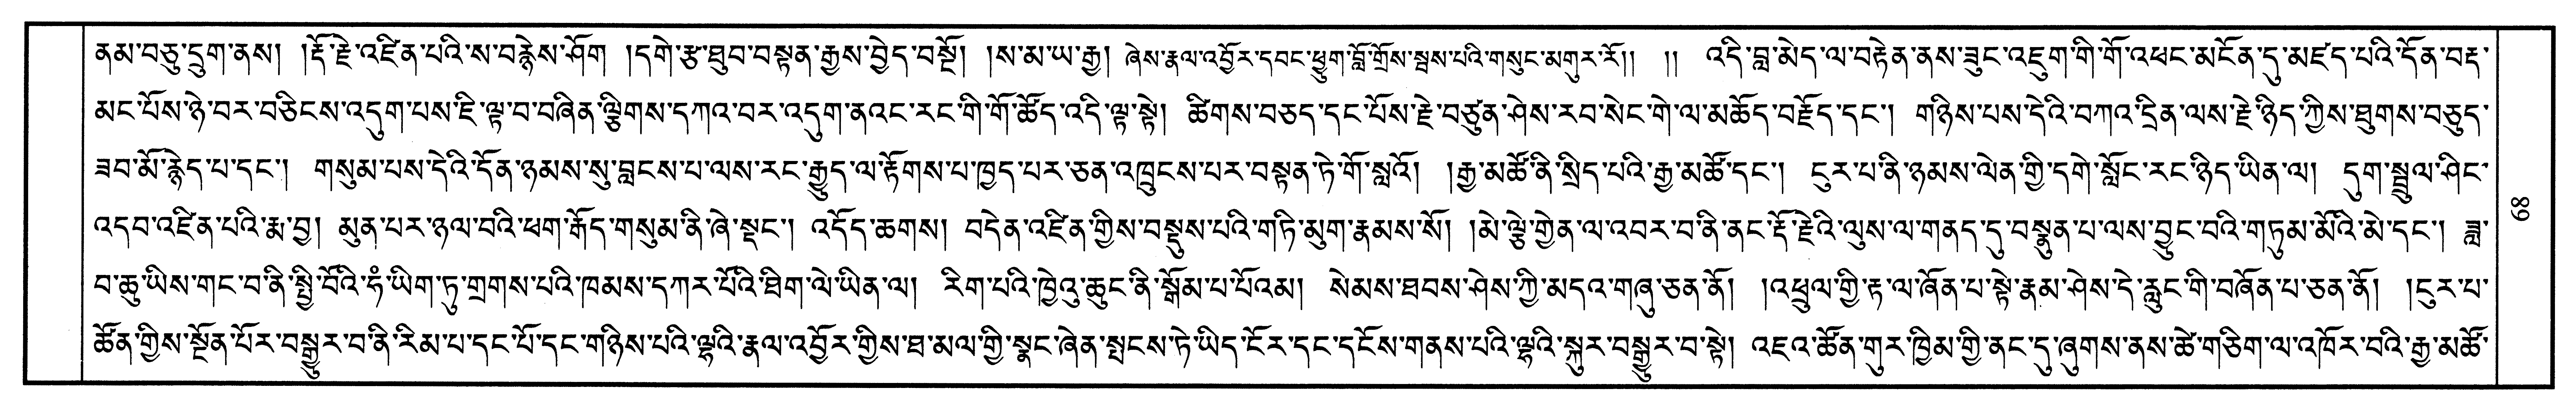ནམ་བཅུ་དྲུག་ནས། །རྡོ་རྗེ་འཛིན་པའི་ས་བརྙེས་ཤོག །དགེ་རྩ་ཐུབ་བསྟན་རྒྱས་བྱེད་བསྔོ། །ས་མ་ཡ་རྒྱ། ཞེས་རྣལ་འབྱོར་དབང་ཕྱུག་བློ་གྲོས་སྦས་པའི་གསུང་མགུར་རོ།། །། འདི་བླ་མེད་ལ་བརྟེན་ནས་ཟུང་འཇུག་གི་གོ་འཕང་མངོན་དུ་མཛད་པའི་དོན་བརྡ་
མང་པོས་ཉེ་བར་བཅིངས་འདུག་པས་ཇི་ལྟ་བ་བཞིན་ལྕིགས་དཀའ་བར་འདུག་ནའང་རང་གི་གོ་ཚོད་འདི་ལྟ་སྟེ། ཚིགས་བཅད་དང་པོས་རྗེ་བཙུན་ཤེས་རབ་སེང་གེ་ལ་མཆོད་བརྗོད་དང་། གཉིས་པས་དེའི་བཀའ་དྲིན་ལས་རྗེ་ཉིད་ཀྱིས་ཐུགས་བཅུད་
ཟབ་མོ་རྙེད་པ་དང་། གསུམ་པས་དེའི་དོན་ཉམས་སུ་བླངས་པ་ལས་རང་རྒྱུད་ལ་རྟོགས་པ་ཁྱད་པར་ཅན་འཁྲུངས་པར་བསྟན་ཏེ་གོ་སླའོ། །རྒྱ་མཚོ་ནི་སྲིད་པའི་རྒྱ་མཚོ་དང་། ངུར་པ་ནི་ཉམས་ལེན་གྱི་དགེ་སློང་རང་ཉིད་ཡིན་ལ། དུག་སྦྲུལ་ཤིང་
འདབ་འཛིན་པའི་རྨ་བྱ། མུན་པར་ཉལ་བའི་ཕག་རྒོད་གསུམ་ནི་ཞེ་སྡང་། འདོད་ཆགས། བདེན་འཛིན་གྱིས་བསྡུས་པའི་གཏི་མུག་རྣམས་སོ། མེ་ལྕེ་གྱེན་ལ་འབར་བ་ནི་ནང་རྡོ་རྗེའི་ལུས་ལ་གནད་དུ་བསྣུན་པ་ལས་བྱུང་བའི་གཏུམ་མོའི་མེ་དང་། ཟླ་
བ་ཆུ་ཡིས་གང་བ་ནི་སྤྱི་བོའི་ཧཾ་ཡིག་ཏུ་གྲགས་པའི་ཁམས་དཀར་པོའི་ཐིག་ལེ་ཡིན་ལ། རིག་པའི་ཁྱེའུ་ཆུང་ནི་སྒོམ་པ་པོའམ། སེམས་ཐབས་ཤེས་ཀྱི་མདའ་གཞུ་ཅན་ནོ། །འཕྲུལ་གྱི་རྟ་ལ་ཞོན་པ་སྟེ་རྣམ་ཤེས་དེ་རླུང་གི་བཞོན་པ་ཅན་ནོ། །ངུར་པ་
ཚོན་གྱིས་སྔོན་པོར་བསྒྱུར་བ་ནི་རིམ་པ་དང་པོ་དང་གཉིས་པའི་ལྷའི་རྣལ་འབྱོར་གྱིས་ཐ་མལ་གྱི་སྣང་ཞེན་སྤངས་ཏེ་ཡིད་ངོར་དང་དངོས་གནས་པའི་ལྷའི་སྐུར་བསྒྱུར་བ་སྟེ། འཇའ་ཚོན་གུར་ཁྱིམ་གྱི་ནང་དུ་ཞུགས་ནས་ཚེ་གཅིག་ལ་འཁོར་བའི་རྒྱ་མཚོ་